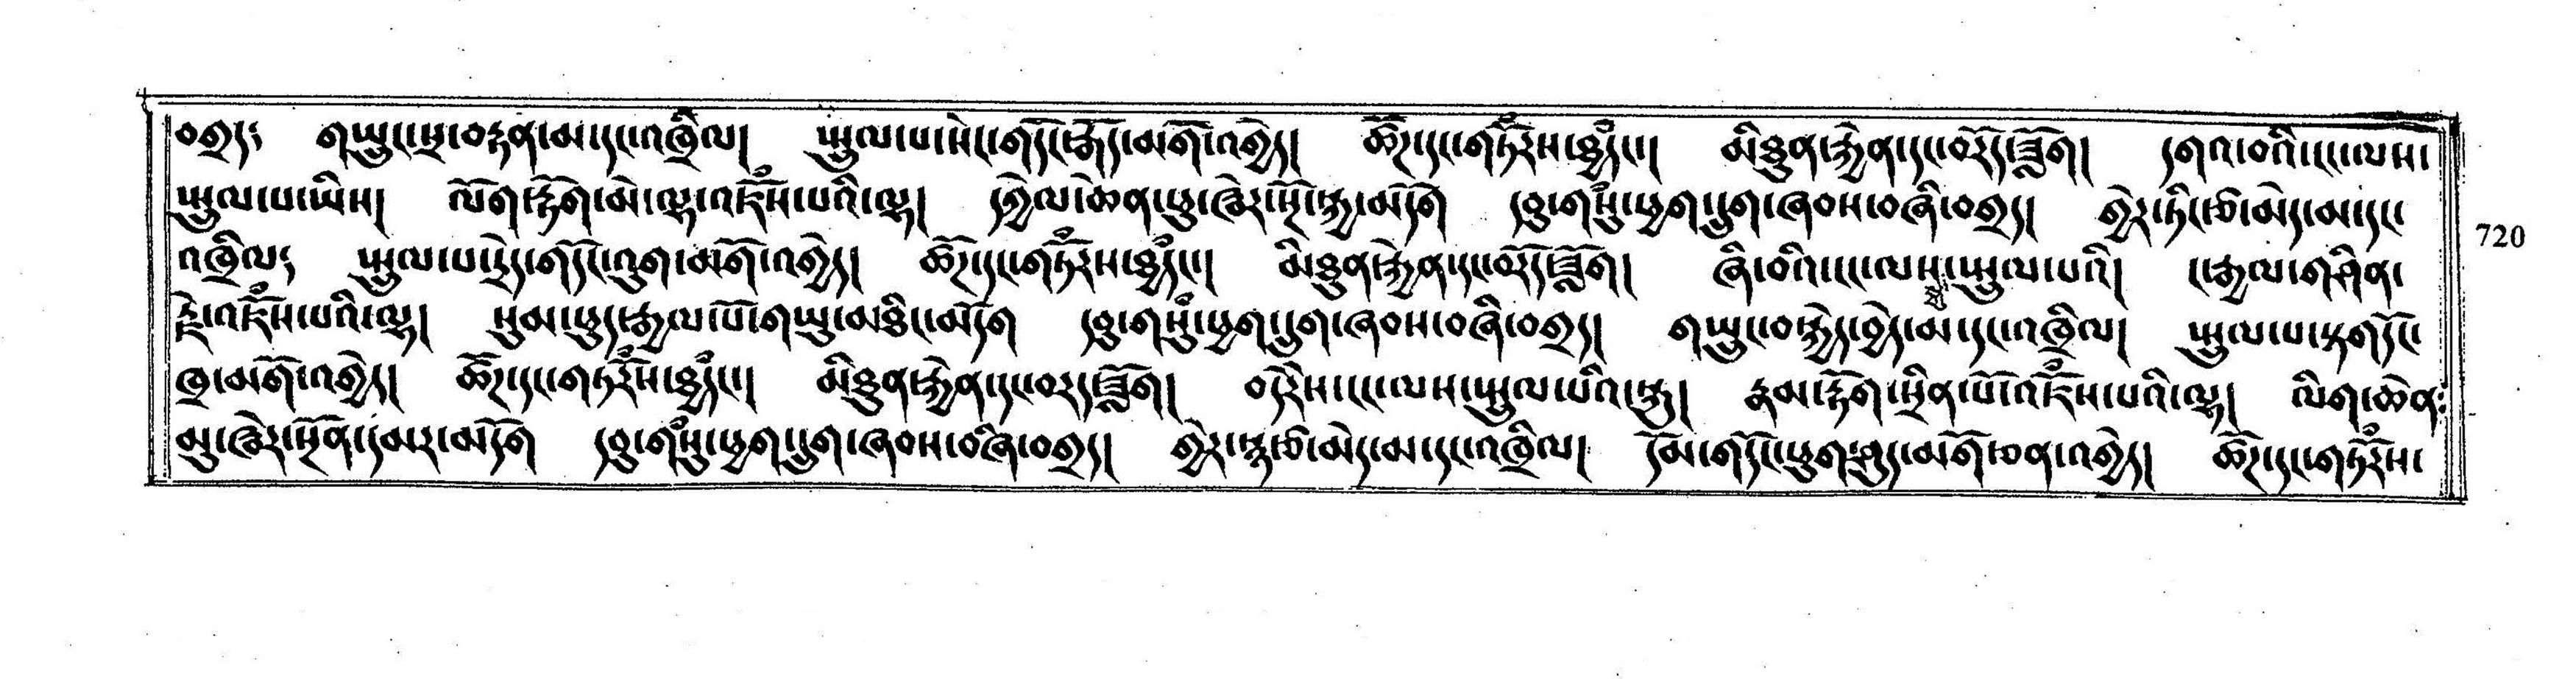བགྲད། གཡུང་དྲུང་སྲ་བརྟན་མ་དང་འཁྲིལ། སྤྲུལ་པ་སེང་གདོང་རྒོད་མགོ་འགྱེད། ཚོགས་དང་གཏོར་མས་ཐུགས་དམ་བསྐང་། མི་མཐུན་རྐྱེན་དང་བར་ཆོད་ཟློག དགའ་བའི་ངང་ལས་
སྤྲུལ་པ་ཡིས། ལོག་རྟོག་མེ་ལྷ་འཇོམས་པའི་ལྷ། དཀྱེལ་ཆེན་ཕུ་ཝེར་སྔོ་སྐྱ་མདོག དབུ་གསུམ་ཕྱག་དྲུག་ཞབས་བཞི་བགྲད། གྱེར་ཏིང་ཙ་མེད་མ་དང་
འཁྲིལ། སྤྲུལ་པ་དྲེད་གདོང་འུག་མགོ་འགྱེད། ཚོགས་དང་གཏོར་མས་ཐུགས་དམ་བསྐང་། མི་མཐུན་རྐྱེན་དང་བར་ཆོད་ཟློག ཞི་བའི་ངང་ལས་སྐུ་སྤྲུལ་པའི། ང་རྒྱལ་གཤིན་
རྗེ་འཇོམས་པའི་ལྷ། སུམ་ཕུད་རྒྱལ་པོ་གཡུ་མཐིང་མདོག དབུ་གསུམ་ཕྱག་དྲུག་ཞབས་བཞི་བགྲད། གཡུང་དྲུང་བསྐྱེད་བྱེད་མ་དང་འཁྲིལ། སྤྲུལ་པ་སྟག་གདོང་
ཁྲ་མགོ་འགྱེད། ཚོགས་དང་གཏོར་མས་ཐུགས་དམ་བསྐང་། མི་མཐུན་རྐྱེན་དང་བར་ཆད་ཟློག བདེར་གཤེགས་ངང་ལས་སྤྲུལ་པའི་སྐུ། རྣམ་རྟོག་སྲིན་པོ་འཇོམས་པའི་ལྷ། ལིག་ཆེན་
མུ་ཝེར་སྔོན་དམར་མདོག དབུ་གསུམ་ཕྱག་དྲུག་ཞབས་བཞི་བགྲད། གྱེར་སྙ་ཙ་མེད་མ་དང་འཁྲིལ། དོམ་གདོང་ཕུག་ཤུད་མགོ་ཅན་འགྱེད། ཚོགས་དང་གཏོར་མས་